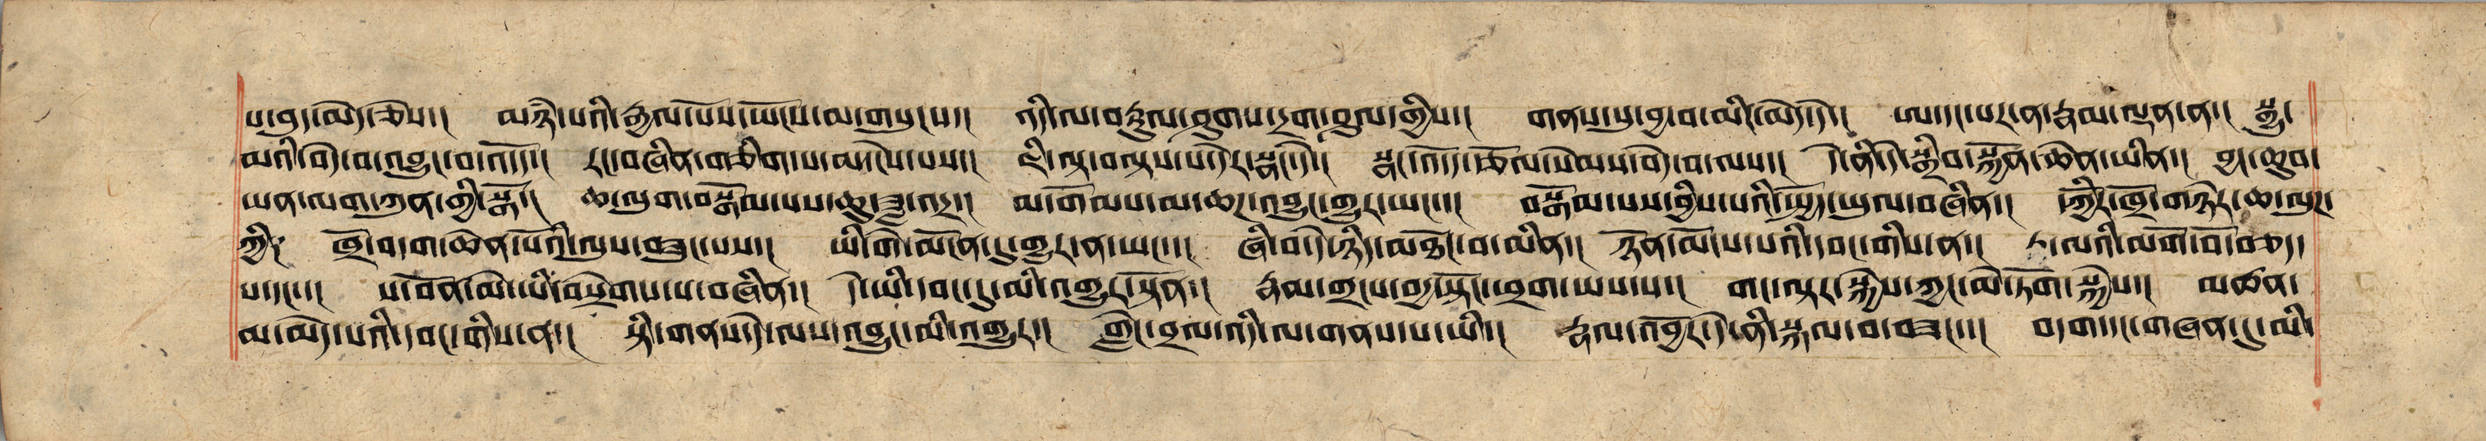པ་བུད་མེད་ཅེས་། མཉཾ་པའི་རྒྱལ་པོས་ཡོངས་མ་གསུངས་། འདི་ལ་བརྟུལ་ཤུགས་དྲག་ཤུལ་གྱིས་། གནས་སུ་བྱ་བ་མིང་མེད་དེ་། ཨ་དང་པར་ན་རྣམ་ལྡན་ན་། སྒྱུ་
མའི་བདེ་བ་འབྱུང་བ་འདོད་། རང་བཞིན་གཅིག་པ་མ་ངེས་པས་། ཇི་ལྟ་བལྟས་པ་དེར་སྣང་དེ་། སྣང་འདོད་རྩོལ་སེམས་བདེ་བ་ལས་། དེ་ནི་དེ་སྒྲིབ་སྐྱོན་ཆེན་ཡིན་། བྱང་ཆུབ་
ཡན་ལག་ཀུན་གྱི་སྒོ་། ཆ་ལུག་བསྒོམ་པས་ཆུ་ཟླ་འདྲ་། མ་གོམས་མ་ཆཌ་འབྱུང་གྱུར་ཡང་་། བསྒོམ་པས་བྱིས་པའི་སྤྱོད་ཡུལ་བཞིན་། དཀྱིོར་ཁྲོ་གཉེར་ཆ་ལུཌ་
ཀྱི༑ ཁྲོ་བདག་ཆེན་པོའི་ལུས་བཟུང་པས་། ཡི་གེ་མངོན་དུ་གྱུར་ན་ཡང་་། ཞི་བ་དེ་ཉིད་མཐོང་བ་མིན་། ཉོན་མོངས་པའི་དབང་གིས་ན་། ཏ་ལའི་མགོ་བོ་བཅད་
པ་དང་་། ས་བོན་མེ་ཡི་བསྲེགས་པ་བཞིན་། དེ་ཡི་དབང་དུ་མི་འགྱུར་སྟོན་། རྣམ་གྲངས་བདྱ་སྟོང་ཕྲག་ཡས་པ་། གང་ལྟར་སྐྱེས་ཀྱང་མེ་ཏོག་སྐྱེས་། མཚན་
མ་མེད་པའི་དབང་གིས་ན་། སྟི་གནས་དེ་ལས་འབྱུང་མི་འགྱུར་། གླེང་བྲལ་འདི་ལ་གནས་པ་ཡི་། རྣལ་འབྱོར་དེ་ནི་སྐལ་བ་བཟང་་། བདག་དང་གཞན་དུ་མི་